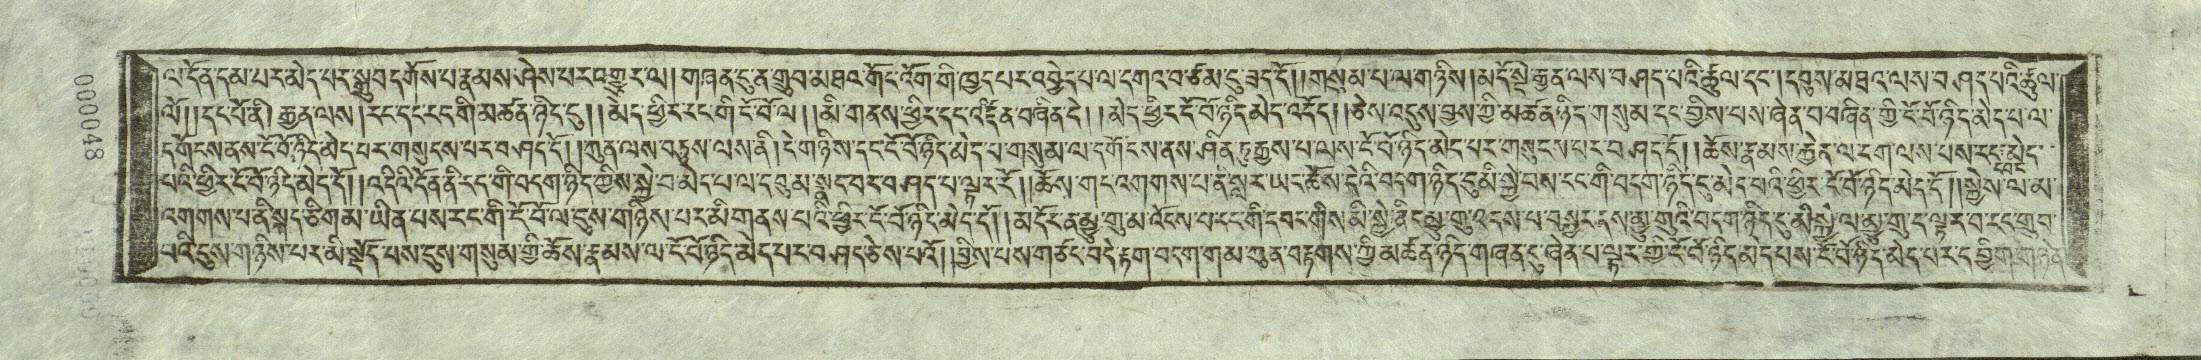ལ་དོན་དམ་ཡར་མེད་པར་སྒྲུབ་དགོས་པ་རྣམས་ཤེས་པར་འགྱུར་ལ། གཞན་དུ་ན་གྲུབ་མཐའ་གོང་འོག་གི་ཁྱད་པར་འབྱེད་པ་ལ་དགའ་བ་ཙམ་དུ་ཟད་དོ། །གསུམ་པ་ལ་གཉིས། མདོ་སྡེ་རྒྱན་ལས་བཤད་པའི་ཚུལ་དང་། དབུས་མཐའ་ལས་བཤད་པའི་ཚུལ་
ལོ༑ ༑དང་པོ་ནི། རྒྱན་ལས། རང་དང་རང་གི་མཚན་ཉིད་དུ། །མེད་ཕྱིར་རང་གི་ངོ་བོ་ལ། །མི་གནས་ཕྱིར་དང་འཛིན་བཞིན་དེ། །མེད་ཕྱིར་ངོ་བོ་ཉིད་མེད་འདོད། །ཅེས་འདུས་བྱས་ཀྱི་མཚན་ཉིད་གསུམ་དང་བྱིས་པས་ཞེན་པ་བཞིན་གྱི་ངོ་བོ་ཉིད་མེད་པ་ལ་
དགོངས་ནས་ངོ་བོ་ཉིད་མེད་པར་གསུངས་པར་བཤད་དོ། །ཀུན་ལས་བཏུས་ལས་ནི། དེ་གཉིས་དང་ངོ་བོ་ཉིད་མེད་པ་གསུམ་ལ་དགོངས་ནས་ཤིན་ཏུ་རྒྱས་པ་ལས་ངོ་བོ་ཉིད་མེད་པར་གསུངས་པར་བཤད་དོ། །ཆོས་རྣམས་རྐྱེན་ལ་རག་ལས་པས་རང་དབང་མེད་
པའི་ཕྱིར་ངོ་བོ་ཉིད་མེད་དེ། འདིའི་དོན་ནི་རང་གི་བདག་ཉིད་ཀྱིས་སྐྱེ་བ་མེད་པ་ལ་དབུ་མ་སྣང་བར་བཤད་པ་ལྟར་རོ། །ཆོས་གང་འགགས་པ་ནི་སླར་ཡང་ཆོས་དེའི་བདག་ཉིད་དུ་མི་སྐྱེ་བས་རང་གི་བདག་ཉིད་དུ་མེད་པའི་ཕྱིར་ངོ་བོ་ཉིད་མེད་དོ། །སྐྱེས་ལ་མ་
འགགས་པ་ནི་སྐད་ཅིག་མ་ཡིན་པས་རང་གི་ངོ་བོ་ལ་དུས་གཉིས་པར་མི་གནས་པའི་ཕྱིར་ངོ་བོ་ཉིད་མེད་དོ། །མདོར་ན་མྱུ་གུ་མ་འོངས་པ་རང་གི་དབང་གིས་མི་སྐྱེ་ཞིང་མྱུ་གུ་འདས་པ་བསྐྱར་ནས་མྱུ་གུའི་བདག་ཉིད་དུ་མི་སྐྱེ་ལ་མྱུ་གུ་ད་ལྟར་བ་རང་གྲུབ་
པའི་དུས་གཉིས་པར་མི་སྡོད་པས་དུས་གསུམ་གྱི་ཆོས་རྣམས་ལ་ངོ་བོ་ཉིད་མེད་པར་བཤད་ཅེས་པའོ། །བྱིས་པས་གཙང་བདེ་རྟག་བདག་གམ་ཀུན་བརྟགས་གྱི་མཚན་ཉིད་གཞན་དུ་ཞེན་པ་ལྟར་གྱི་ངོ་བོ་ཉིད་མེད་པས་ངོ་བོ་ཉིད་མེད་པར་དབྱིག་གཉེན་